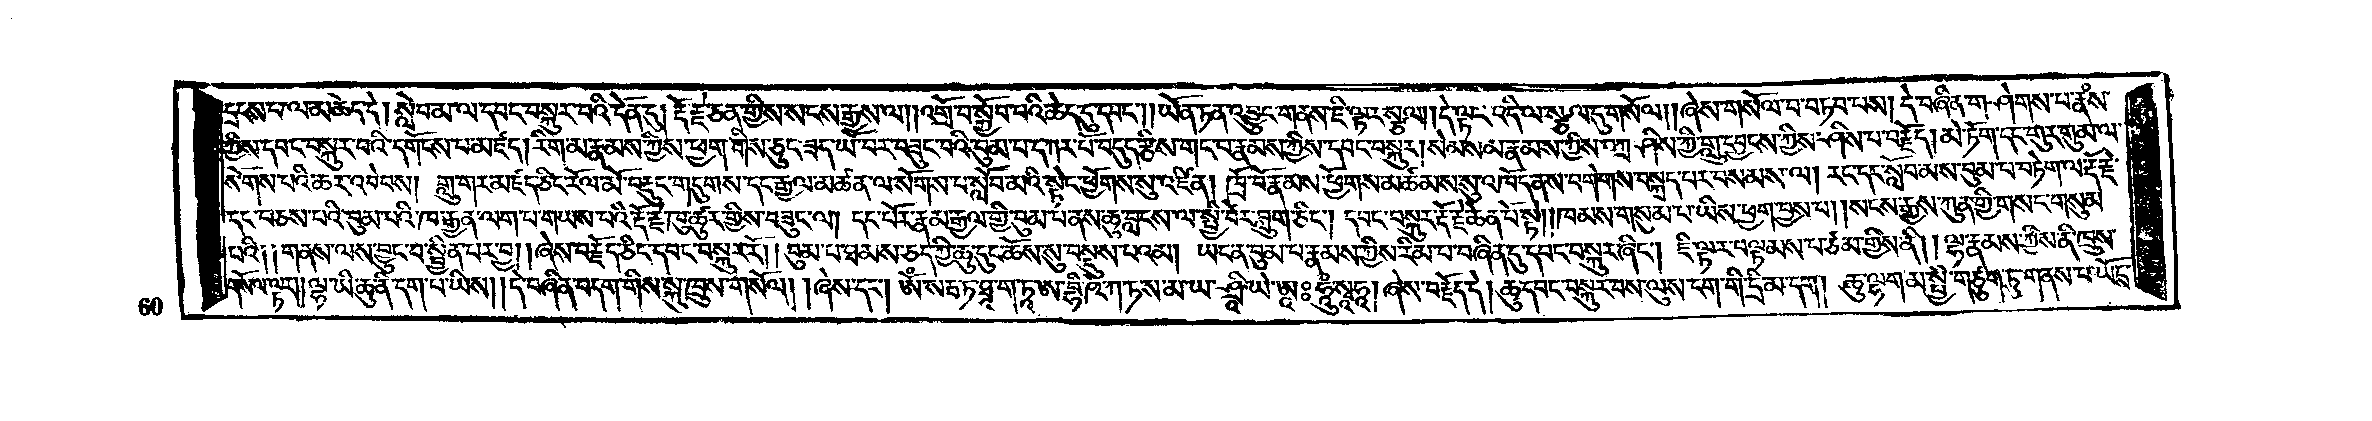དྲངས་པ་ལ་མཆེད་དེ། སློབ་མ་ལ་དབང་བསྐུར་བའི་དོན་དུ། རྡོ་རྗེ་ཅན་གྱིས་སངས་རྒྱས་ལ། །འགྲོ་བ་སྐྱོབ་པའི་ཆེད་དུ་དབང་། །ཡོན་ཏན་འབྱུང་གནས་ཇི་ལྟར་སྩལ། །དེ་ལྟར་འདི་ལ་སྩལ་དུ་གསོལ། །ཞེས་གསོལ་བ་བཏབ་པས། དེ་བཞིན་གཤེགས་པ་རྣམས་
ཀྱིས་དབང་བསྐུར་བའི་དགོངས་པ་མཛད། རིག་མ་རྣམས་ཀྱིས་ཕྱག་གིས་ཅུང་ཟད་ཡོ་བར་བཟུང་བའི་བུམ་པ་དཀར་པོ་བདུད་རྩིས་གང་བ་རྣམས་ཀྱིས་དབང་བསྐུར། སེམས་མ་རྣམས་ཀྱིས་བཀྲ་ཤིས་ཀྱི་གླུ་དབྱངས་ཀྱིས་ཤིས་པ་བརྗོད། མེ་ཏོག་དང་གུར་གུམ་ལ་
སོགས་པའི་ཆར་འབེབས། གླུ་གར་མཛད་ཅིང་རོལ་མོ་བརྡུང་གདུགས་དང་རྒྱལ་མཚན་ལ་སོགས་པ་སློབ་མའི་སྟེང་ཕྱོགས་སུ་འཛིན། ཁྲོ་བོ་རྣམས་ཕྱོགས་མཚམས་སུ་འཁོད་ནས་བགེགས་བསྐྲད་པར་བསམས་ལ། རང་དང་སློབ་མས་བུམ་པ་བཏེག་ལ་རྡོ་རྗེ་
དང་བཅས་པའི་བུམ་པའི་ཁ་རྒྱན་ལག་པ་གཡས་པའི་རྡོ་རྗེ་ཁུ་ཚུར་གྱིས་བཟུང་ལ། དང་པོར་རྣམ་རྒྱལ་གྱི་བུམ་པ་ནས་ཆུ་བླངས་ལ་སྤྱི་བོར་བླུག་ཅིང་། དབང་བསྐུར་རྡོ་རྗེ་ཆེན་པོ་སྟེ། །ཁམས་གསུམ་པ་ཡིས་ཕྱག་བྱས་པ། །སངས་རྒྱས་ཀུན་གྱི་གསང་གསུམ་
པའི། །གནས་ལས་བྱུང་བ་སྦྱིན་པར་བྱ། །ཞེས་བརྗོད་ཅིང་དབང་བསྐུར་རོ། །བུམ་པ་ཐམས་ཅད་ཀྱི་ཆུ་དུང་ཆོས་སུ་བསྡུས་པའམ། ཡང་ན་བུམ་པ་རྣམས་ཀྱིས་རིམ་པ་བཞིན་དུ་དབང་བསྐུར་ཞིང་། ཇི་ལྟར་བལྟམས་པ་ཙམ་གྱིས་ནི། །ལྷ་རྣམས་ཀྱིས་ནི་ཁྲུས་
གསོལ་ལྟར། །ལྷ་ཡི་ཆུ་ནི་དག་པ་ཡིས། །དེ་བཞིན་བདག་གིས་སྐུ་ཁྲུས་གསོལ། །ཞེས་དང་། ཨོཾ་སརབ་ཏ་ཐཱ་ག་ཏཱ་ཨ་བྷི་ཥེ་ཀ་ཏ་ས་མ་ཡ་ཤྲཱི་ཡེ་ཨཱཿ ཧཱུཾ་སྭཱ་ཧཱ། ཞེས་བརྗོད་དེ། ཆུ་དབང་བསྐུར་བས་ལུས་ངག་གི་དྲི་མ་དག །ཆུ་ལྷག་མ་སྤྱི་གཙུག་ཏུ་གནས་པ་ཡོངས་